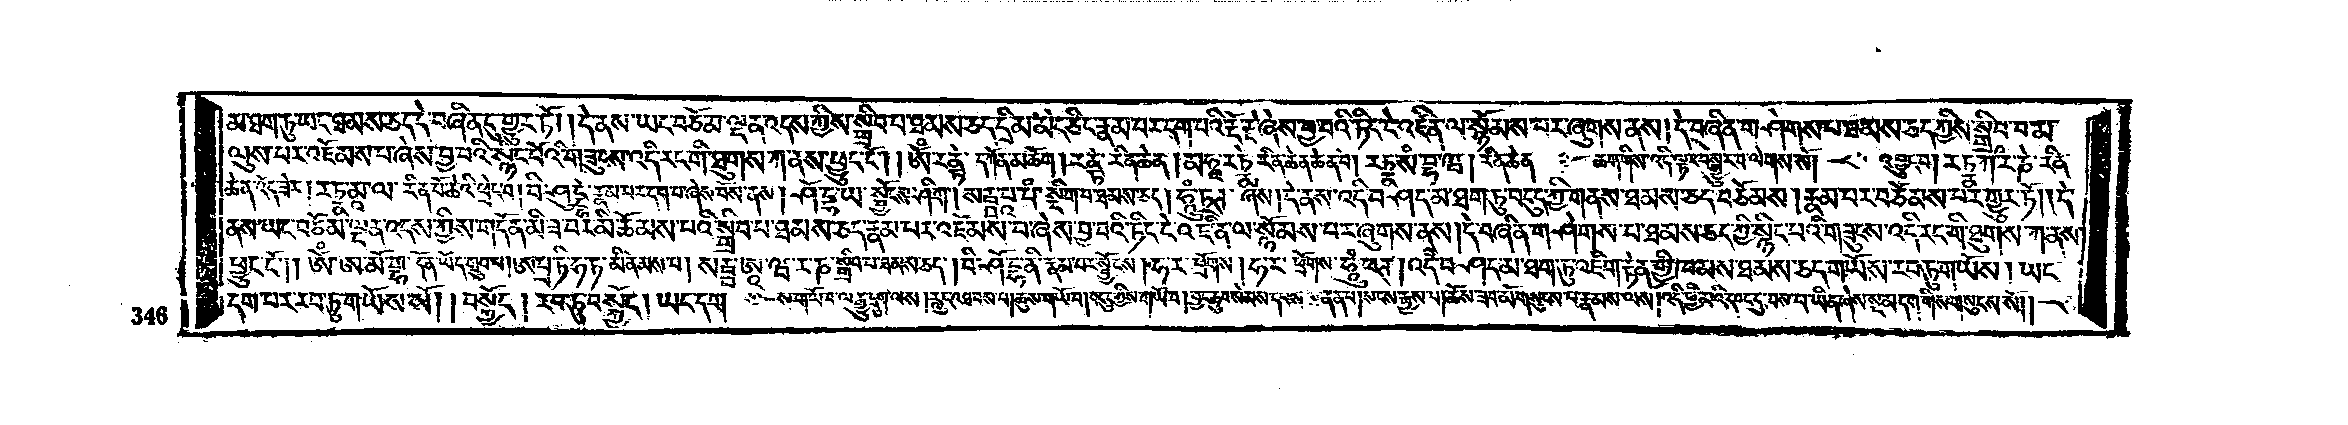མ་ཐག་ཏུ་ཡང་ཐམས་ཅད་དེ་བཞིན་དུ་གྱུར་ཏོ། །དེ་ནས་ཡང་བཅོམ་ལྡན་འདས་ཀྱིས་སྒྲིབ་པ་ཐམས་ཅད་དྲི་མ་མེད་ཅིང་རྣམ་པར་དག་པའི་རྡོ་རྗེ་ཞེས་བྱ་བའི་ཏིང་ངེ་འཛིན་ལ་སྙོམས་པར་ཞུགས་ནས། དེ་བཞིན་གཤེགས་པ་ཐམས་ཅད་ཀྱིས་སྒྲིབ་པ་མ་
ལུས་པར་འཇོམས་པ་ཞེས་བྱ་བའི་སྙིང་པོའི་གཟུངས་འདི་རང་གི་ཐུགས་ཀ་ནས་ཕྱུང་ངོ། །ཨོཾ་རནྟེ་དཀོན་མཆོག །རནྟེ་རིན་ཆེན། མཧཱ་རཏྣེ་རིན་ཆེན་ཆེན་བེ། རཏན་སཾ་བྷ་ཝ། རིན་ཆེནཿ་ཆག་གིས་འདི་ལྟར་བསྒྱུར་བ་ལེགས་སོ། .Hའབྱུང་བ། རཏྣ་ཀ་རྀ་ཎེ་རིན་
ཆེན་འོད་ཟེར། རཏྣ་མཱ་ལ་རིན་པོ་ཆེའི་ཕྲེང་བ། བི་ཤུ་དྡྷེ་རྣམ་པར་དག་པ་ཞེས་བོས་ནས། ཤོ་དྷ་ཡ་སྦྱོངས་ཤིག །སརྦ་པཱ་པཾ་སྡིག་པ་ཐམས་ཅད། ཧཱུཾ་ཏྲཊ་ཞེས། དེ་ནས་འདི་བཤད་མ་ཐག་ཏུ་བདུད་ཀྱི་གནས་ཐམས་ཅད་བཅོམས། རྣམ་པར་བཅོམས་པར་གྱུར་ཏོ། །དེ་
ནས་ཡང་བཅོམ་ལྡན་འདས་ཀྱིས་གདོན་མི་ཟ་བར་མི་ཆོམས་པའི་སྒྲིབ་པ་ཐམས་ཅད་རྣམ་པར་འཇོམས་པ་ཞེས་བྱ་བའི་ཏིང་ངེ་འཛིན་ལ་སྙོམས་པར་ཞུགས་ནས། དེ་བཞིན་གཤེགས་པ་ཐམས་ཅད་ཀྱི་སྙིང་པའི་གཟུངས་འདི་རང་གི་ཐུགས་ཀ་ནས་
ཕྱུང་ངོ། །ཨོཾ་ཨ་མོ་གྷ་དོན་ཡོད་གྲུབ་པ། ཨ་པྲ་ཏི་ཧ་ཧ་ཏ་མི་ནོམས་པ། སརྦྦ་ཨཱ་ཝ་ར་ཎ་སྒྲིབ་པ་ཐམས་ཅད། བི་ཤོ་དྷ་ནི་རྣམ་པར་སྦྱོངས། ཧ་ར་ཕྲོགས། ཧ་ར་ཕྲོགས་ཧཱུཾ་ཕགས། འདི་བཤད་མ་ཐག་ཏུ་འཇིག་རྟེན་གྱི་ཁམས་ཐམས་ཅད་གཡོས་རབ་ཏུ་གཡོས། ཡང་
དག་པར་རབ་ཏུ་གཡོས་སོ། །བསྐྱོད། རབ་ཏུ་བསྐྱོད། ཡང་དག་H.ས་གཡོ་བ་ལ་རྒྱུན་དྲུག་ལས། རླུང་འཐབས་པ། ཆུས་གཡོ་བ། བདུད་ཀྱིས་གཡོ་བ། བྱང་ཆུབ་སེམས་དཔས་མནན་པ། སངས་རྒྱས་པ། ཆོས་ཟབ་མོ་གསུངས་པ་རྣམས་ལས། འདི་ཕྱི་མའི་དབང་དུ་བྱས་པ་ཡིན་ཞེས་སྔ་མ་དག་གིས་གསུངས་སོ། །